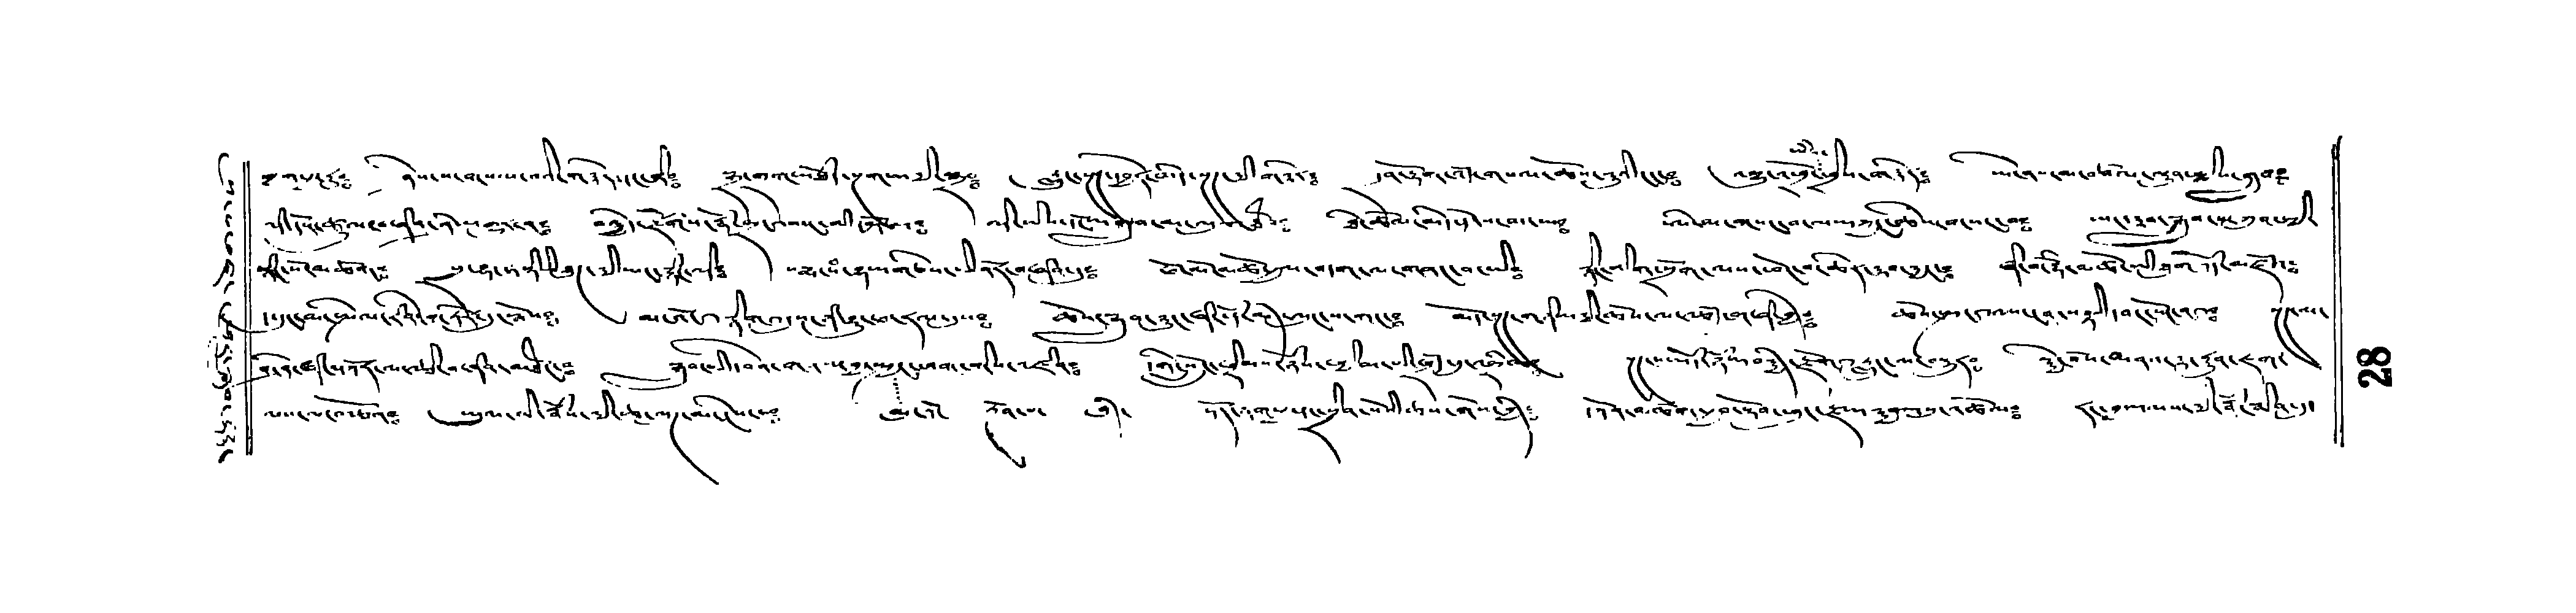ཕྲག་རྒྱ་རུ༔ ཤེས་པ་གསལ་བའི་གཟེར་དང་ནི༔ སྒྲ་གྲགས་ཐམས་ཅད་སྔགས་ཀྱི་སྒྲ༔ རླུང་སྔགས་དབྱེར་མེད་སྔགས་ཀྱི་གཟེར༔ དྲན་རྟོག་འོད་གསལ་ཆོས་སྐུའི་ངང༔ འགྱུ་འཕྲོ་ཡེ་ཤེས་ཕྲིན་ལས་གཟེར༔ ཡེ་ནས་མ་བཙལ་ལྷུན་གྱིས་གྲུབ༔ 
འདི་དོན་ཚུལ་བཞིན་ཤེས་གྱུར་ན༔ བསྐྱེད་རྫོགས་རྣམ་གྲངས་མང་མི་དགོས༔ འདི་ཡིས་དངོས་གྲུབ་མ་ལུས་ཐོབ༔ ཐེ་ཚོམ་མེད་དོ་ས་མ་ཡ༔ ཨེ་མ་གསང་བ་ལས་ཀྱང་ཆེས་གསང་བ༔ ཡང་ཟབ་སྒྲུབ་པ་ཀུན་གྱི་
སྙིང་པོ་མཆོག༔ པྲ་བྷ་ཧསྟིའི་ཐུགས་ཀྱི་ཡང་སྙིང་འདི༔ པདྨ་སཾ་བྷས་གཅེས་པའི་ནོར་བཞིན་དུ༔ ཁོ་མོ་མཚོ་རྒྱལ་བདག་ལ་གནང་བ་ཡི༔ སྙིང་མིག་སྲོག་ལས་ཕོངས་ཤིང་ཆེས་ཟབ་པས༔ ཞི་བ་རྡོ་རྗེ་མཚོ་ཡི་ཐུགས་དམ་མཛོད༔ 
ད་དུང་མ་སྤེལ་རིན་ཆེན་གཏེར་དུ་སྦོས༔ མ་འོངས་སྙིགས་འདུས་ཉི་ཤུ་ཁ་རལ་དུས༔ ཆོས་སྒྲུབ་ཉུང་ཞི་དམ་མེད་ལུང་པ་གང༔ མདོ་སྔགས་གཉིས་ཀྱི་ཆོས་ལ་རྩོད་གཞི་བྱེད༔ ཆོས་སྤངས་ལས་ངན་སཔྟའི་དབང་སོང་ནས༔ སྔགས་ལ་
གཤེ་ཞིང་དཀོར་ལ་རྩི་བཞིན་མཐོང༔ སྒྲུབ་པའི་དབེན་གནས་བྱ་སྤྱང་ཕག་གིས་འཛིན༔ དགེ་སློང་ཁྲིམས་ཉམས་ཁྱིམ་པའི་ཁྲོད་དུ་འགྲིམ༔ སྔགས་པས་དམ་ཉམས་བསྐྱེད་རྫོགས་རླུང་ལ་བསྐུར༔ སྐྱེ་བོས་མནའ་ཟ་རྐུན་ཇག་
ལས་ལ་བརྩོན༔ ཡུལ་མི་རྣམས་ཀྱི་ཆ་ལུགས་མ་ངེས་པ༔ ཧོར་ནག་རྒྱ་དང་སྲིན་པོའི་ཆས་གོས་བྱེད༔ དཀོན་མཆོག་རྒྱབ་སྟོན་ཕུང་རྫས་སྐྱབས་སུ་འཚོལ༔ རང་བྱས་ལས་ཀྱི་རྣམ་སྨིན་དུ་